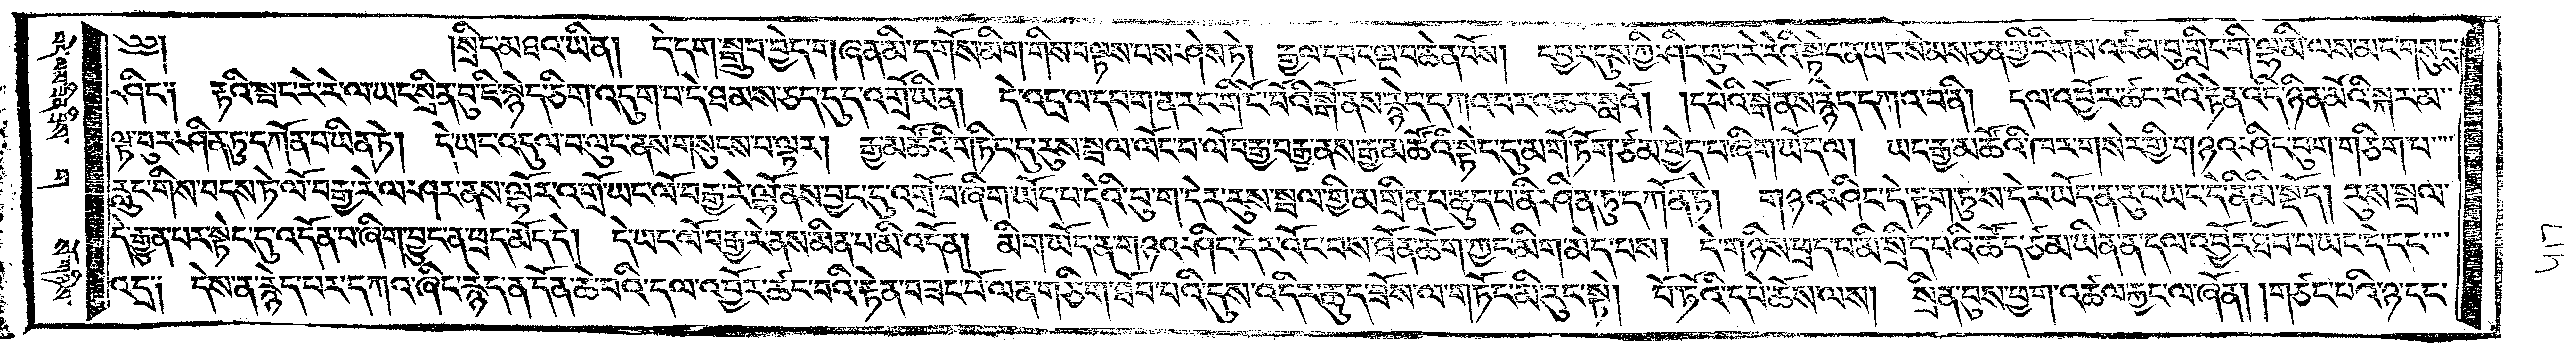༄༅། །སྲིད་མཐའ་ཡིན། དེ་དག་སྒྲུབ་བྱེད་གཞན་མི་དགོས་མིག་གིས་བལྟས་པས་ཤེས་ཏེ། རྒྱལ་དབང་ལྔ་པ་ཆེན་པོས། དབྱར་དུས་ཀྱི་ཤིང་ཕུང་རེ་རེའི་སྟེང་ན་ཡང་སེམས་ཅན་གྱི་རིགས་འཛམ་བུ་གླིང་གི་ལྷ་མི་ལས་མང་གསུངས་
ཤིང༑ རྟའི་སྦང་རེ་རེ་ལ་ཡང་སྲིན་བུ་ཇི་སྙེད་ཅིག་འདུག་བ་དེ་ཐམས་ཅད་དུད་འགྲོ་ཡིན། དེ་འདྲ་ལ་དཔག་ན་རང་གི་ངོ་བོའི་སྒོ་ནས་རྙེད་དཀའ་བར་འཆར་སླའོ། །དབེའི་སྒོ་ནས་རྙེད་དཀའ་བ་ནི། དལ་འབྱོར་ཚང་བའི་རྟེན་འདི་ཉིན་མོའི་སྐར་མ་
ལྟ་བུར་ཤིན་ཏུ་དཀོན་པ་ཡིན་ཏེ། དེ་ཡང་འདུལ་བ་ལུང་ནས་གསུངས་པ་ལྟར། རྒྱ་མཚོའི་གཏིང་དུ་རུས་སྦལ་ལོང་པ་ལོ་བརྒྱ་བརྒྱ་ནས་རྒྱ་མཚོའི་སྟེང་དུ་མགོ་ཏོག་ཙམ་བྱེད་པ་ཞིག་ཡོད་ལ། ཡང་རྒྱ་མཚོའི་ཁར་གསེར་གྱི་གཉའ་ཤིང་བུག་གཅིག་པ་
རླུང་གིས་བདས་ཏེ་ལོ་བརྒྱ་རེ་ལ་ཤར་ནས་ལྷོར་འགྲོ་ཡང་ལོ་བརྒྱ་རེ་ལྷོ་ནས་བྱང་དུ་འགྲོ་བ་ཞིག་ཡོད་པ་དེའི་བུ་ག་དེར་རུས་སྦལ་གྱི་མགྲིན་པ་ཆུད་པ་ནི་ཤིན་ཏུ་དཀོན་ཏེ། གཉའ་ཤིང་དེ་རྟག་ཏུ་ས་དེར་ཡོད་ན་རུང་ཡང་དེ་ནི་མི་སྡོད། རུས་སྦལ་
དེ་རྒྱུན་པར་སྟེབ་དུ་འདོན་པ་ཞིག་བྱུང་ན་ཕྲད་མོད་དེ། དེ་ཡང་ལོ་བརྒྱ་རེ་ནས་མིན་པ་མི་འདོན། མིག་ཡོད་ན་གཉའ་ཤིང་དེར་འོང་བས་ཐོན་ཆོག་ཀྱང་མིག་མེད་པས། དེ་གཉིས་ཕྲད་པ་མི་སྲིད་པའི་ཚོད་ཙམ་ཡིན་ན་དལ་འབྱོར་ཐོབ་པ་ཡང་དེ་དང་
འདྲ༑ དེས་ན་རྙེད་པར་དཀའ་ཞིང་རྙེད་ན་དོན་ཆེ་བའི་དལ་འབྱོར་ཚང་བའི་རྟེན་བཟང་པོ་ལན་གཅིག་ཐོབ་པའི་དུས་འདིར་ཆུད་ཟོས་ལ་གཏོང་མི་རུང་སྟེ། པོ་ཏོའི་དཔེ་ཆོས་ལས། སྲིན་བུས་ཕྱག་འཚལ་རྐྱང་ལ་ཞོན། །གཙང་བའི་ཉ་དང་